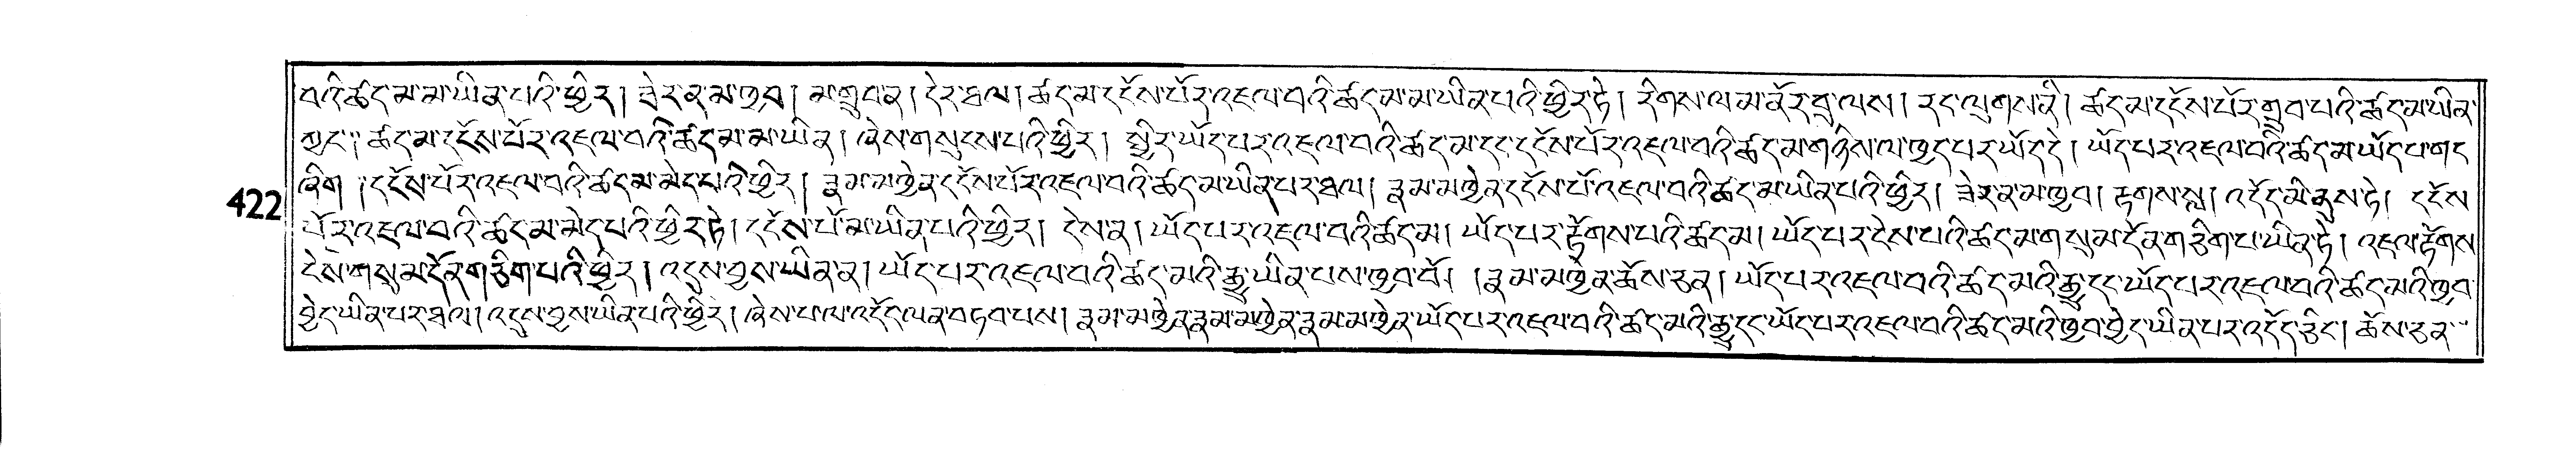བའི་ཚད་མ་ཡིན་པའི་ཕྱིར། ཟེར་ན་མ་ཁྱབ། མ་གྲུབ་ན། དེར་འཐལ། ཚད་མ་པ་དངོས་པོར་འཇལ་བའི་ཚད་མ་མ་ཡིན་པའི་ཕྱིར་ཏེ། རིགས་ལམ་ནོར་བྲས་ལས། རང་ལུགས་ནི། ཚད་མ་དངོས་པོར་གྲུབ་པའི་ཚད་མ་ཡིན་
ཀྱང༑ ཚད་མ་དངོས་པོར་འཇལ་བའི་ཚད་མ་མ་ཡིན། ཞེས་གསུངས་པའི་ཕྱིར། སྦྱིར་ཡོད་པར་འཇལ་བའི་ཚད་མ་དང་དངོས་པོར་འཇལ་བའི་ཚད་མ་གཉིས་ལ་ཁྱད་པར་ཡོད་དེ། ཡོད་པར་འཇལ་བའི་ཚད་མ་ཡོད་པ་གང་
ཞིག། དངོས་པོར་འཇལ་བའི་ཚད་མ་མེད་པའི་ཕྱིར། རྣམ་མཁྱེན་དངོས་པོར་འཇལ་བའི་ཚད་མ་ཡིན་པར་ཐལ། རྣམ་མཁྱེན་དངོས་པོ་འཇལ་བའི་ཚད་མ་ཡུཨིན་བའི་ཕྱིར། ཟེར་ན་མ་ཁྱབ། རྟགས་སླ། འདོད་མི་ནུས་ཏེ། དངོས་
པོར་འཇལ་བའི་ཚད་མ་མེད་པའི་ཕྱིར་ཏེ། དངོས་པོ་མ་ཡིན་པའི་ཕྱིར། དེས་ན། ཡོད་པར་འཇལ་བའི་ཚད་མ། ཡོད་པར་རྟོགས་པའི་ཚད་མ། ཡོད་པར་ངེས་པའི་ཚད་མ་གསུམ་དོན་གཅིག་པཡིན་ཏེ། འཇལ་རྟོགས་
ངེས་གསུམ་མདོན་གཅིག་བའི་ཕྱིར། འདུས་བྱས་ཡིན་ན། ཡོད་པར་འཇལ་བའི་ཚད་མའི་རྒྱུ་ཡིན་པས་ཁྱབ་བོ། །རྣམ་མཁྱེན་ཆོས་ཅན། ཡོད་པར་འཇལ་བའི་ཚད་མའི་རྒྱུ་དང་ཡོད་པར་འཇལ་བའི་ཚད་མའི་ཁྱབ་
བྱེད་ཡིན་པར་ཐལ། འདུས་བྱས་ཡིན་པའི་ཕྱིར། ཞེས་པ་ལ་འདོད་ལན་བཏབ་པས། རྣམ་མཁྱེན་རྣམ་མཁྱེན་ཡོད་པར་འཇལ་བའི་ཚད་མའི་རྱྒུ་དང་ཡོང་པར་འཇལ་བའི་ཚད་མའི་ཁྱབ་བྱེད་ཡིན་པར་འདོད་ཅིང་། ཆོས་ཅན་